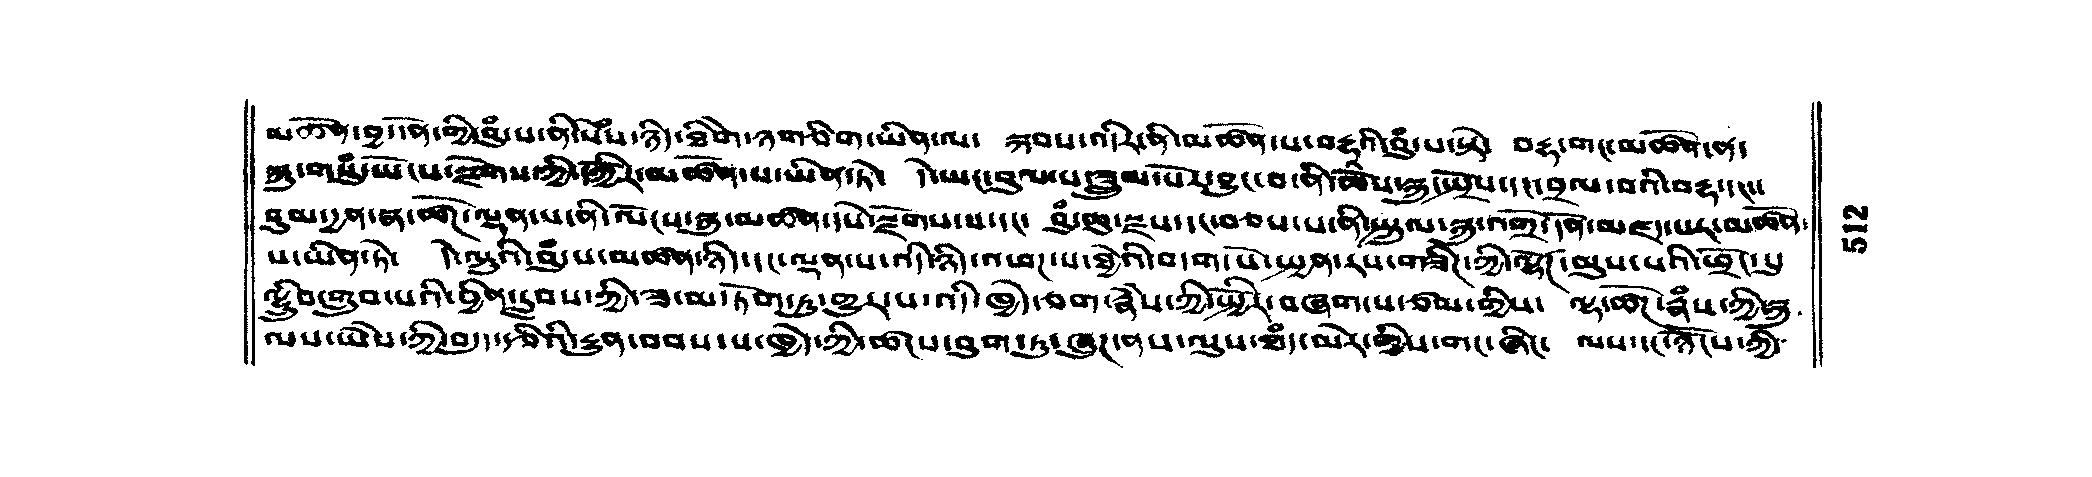མཚོན་བྱ་དོན་གྱི་བུམ་པ་ནི་སེམས་ཉིད་ཐིག་ལེ་ཉག་གཅིག་ཡིན་ལ། སྐབས་འདིར་ནི་མཚོན་པ་བརྡའི་བུམ་པ་སྟེ། བརྡ་གང་མཚོན་ན་
སྐུ་གསུམ་ཡོངས་རྫོགས་ཀྱི་དཀྱིལ་འཁོར་མཚོན་པ་ཡིན་ཏེ། དེ་ཡང་བུམ་པ་ཟླུམ་པོར་བྱུང་བ་ནི་ཆོས་སྐུ་སྤྲོས་དང་བྲལ་བའི་བརྡ་དང་། 
བུམ་རྒྱན་སྣ་ཚོགས་ལྡན་པ་ནི་ལོངས་སྐུ་མཚན་དཔེ་རྫོགས་པ་དང་། བུམ་ཆུ་རྫས་དང་བཅས་པ་ནི་སྤྲུལ་སྐུ་འགྲོ་དོན་མཛད་པར་མཚོན་
པ་ཡིན་ཏེ་། དེ་ལྟ་བུའི་བུམ་པ་མཚན་ཉིད་དང་ལྡན་པ་འདི་ཉིད་འཕགས་པ་ཐུགས་རྗེའི་བདག་པོ་སྤྱན་རས་གཟིགས་ཀྱི་ལྷ་ཚོགས་མ་ལུས་པའི་ཕོ་བྲང་དུ་
ལྷུན་གྱིས་གྲུབ་པའི་བྱིན་རླབས་ཀྱི་ཟ་མ་ཏོག་ཏུ་གྱུར་པ་འདི་ཁྱོད་ཅག་རྣམས་ཀྱི་སྤྱི་བོར་བཞག་པ་ཙམ་གྱིས། ལྷ་ཚོགས་རྣམས་ཀྱི་སྐུ་
ལས་ཡེ་ཤེས་ཀྱི་བདུད་རྩིའི་རྒྱུན་བབས་པ་ཁྱོད་ཀྱི་ཚངས་བུག་ཏུ་ཞུགས་ནས་ལུས་ཐམས་ཅད་མེར་གྱིས་གང་ཞིང་། ལས་དང་ཉོན་མོངས་ཀྱི་